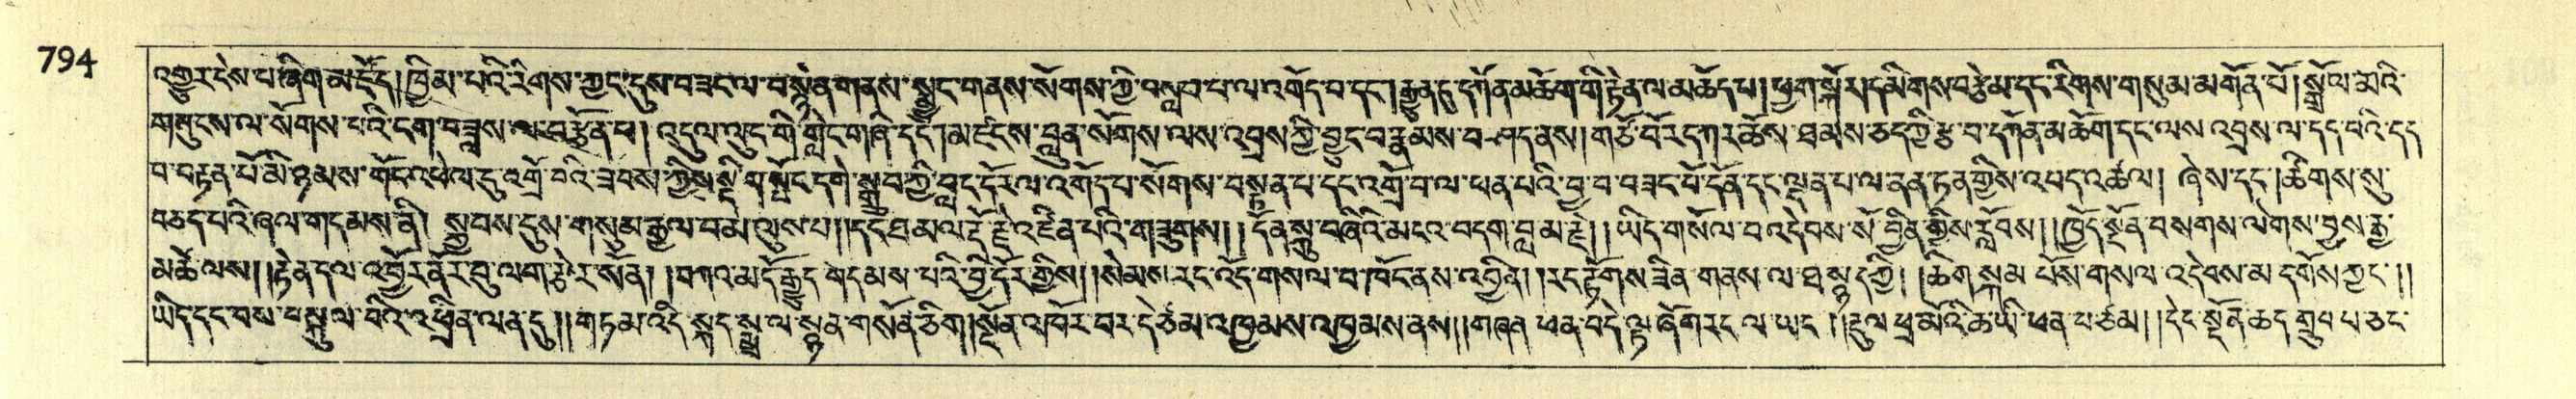འགྱུར་ངེས་པ་ཞིག་མཛོད། ཁྱིམ་པའི་རིགས་ཀྱང་དུས་བཟང་ལ་བསྙེན་གནས་སྨྱུང་གནས་སོགས་ཀྱི་བསླབ་པ་ལ་འགོད་པ་དང་། རྒྱུན་དུ་དཀོན་མཆོག་གི་རྟེན་ལ་མཆོད་པ། ཕྱག་སྐོར། དམིགས་བརྩེམ་དང་རིགས་གསུམ་མགོན་པོ། སྒྲོལ་མའི་
གསུངས་ལ་སོགས་པའི་ངག་བཟླས་ལ་བརྩོན་པ། འདུལ་ལུང་གི་གླེང་གཞི་དང་། མཛངས་བླུན་སོགས་ལས་འབྲས་ཀྱི་བྱུང་བ་རྣམས་བཤད་ནས། གཙོ་བོར་དཀར་ཆོས་ཐམས་ཅད་ཀྱི་རྩ་བ་དཀོན་མཆོག་དང་ལས་འབྲས་ལས་དད་པའི་དད་
པ་བརྟན་པོ་མི་ཉམས་གོང་འཕེལ་དུ་འགྲོ་བའི་ཟབས་ཀྱིས་སྡིག་སྤོང་དགེ་སྒྲུབ་ཀྱི་བླང་དོར་ལ་འགོད་པ་སོགས་བསྟན་པ་དང་འགྲོ་བ་ལ་ཕན་པའི་བྱ་བ་བཟང་པོ་དོན་དང་ལྡན་པ་ལ་ནན་ཏན་གྱིས་འབད་འཚལ། ཞེས་དང་། ཚིགས་སུ་
བཅད་པའི་ཞལ་གདམས་ནི། སྐྱབས་དུས་གསུམ་རྒྱལ་བ་མ་ལུས་པ། །དང་ཐ་མལ་རྡོ་རྗེ་འཛིན་པའི་གཟུགས། །དོན་སྐུ་བཞིའི་མངའ་བདག་བླ་མ་རྗེ། །ཡིད་གསོལ་བ་འདེབས་སོ་བྱིན་གྱིས་རློབས། །ཁྱོད་སྔོན་བསགས་ལེགས་བྱས་རྒྱ་
མཚོ་ལས། །རྟེན་དལ་འབྱོར་ནོར་བུ་ལག་རྩེར་སོན། །བཀའ་མོད་རྒྱུད་གདམས་པའི་བྱི་དོར་གྱིས། །སེམས་རང་འོད་གསལ་བ་ཁོང་ནས་འབྱིན། །རང་རྟོགས་ཟིན་གནས་ལ་ཐ་སྙད་ཀྱི། །ཚིག་སྐམ་པོས་གསལ་འདེབས་མ་དགོས་ཀྱང།།
ཡིད་དང་བས་བསྐུལ་བའི་འཕྲིན་ལན་དུ། །གཏམ་འདི་སྐད་སྨྲ་ལ་སྙན་གསོན་ཅིག །སྔོན་འཁོར་བར་དེ་ཙམ་འཁྱམས་འཁྱམས་ནས། །གཞན་ཕན་བདེ་ལྟ་ཞོག་རང་ལ་ཡང་། །རྡུལ་ཕྲ་མོའི་ཆ་ཡི་ཕན་པ་ཙམ། །དེང་སྔོན་ཆད་གྲུབ་པ་ཅང་